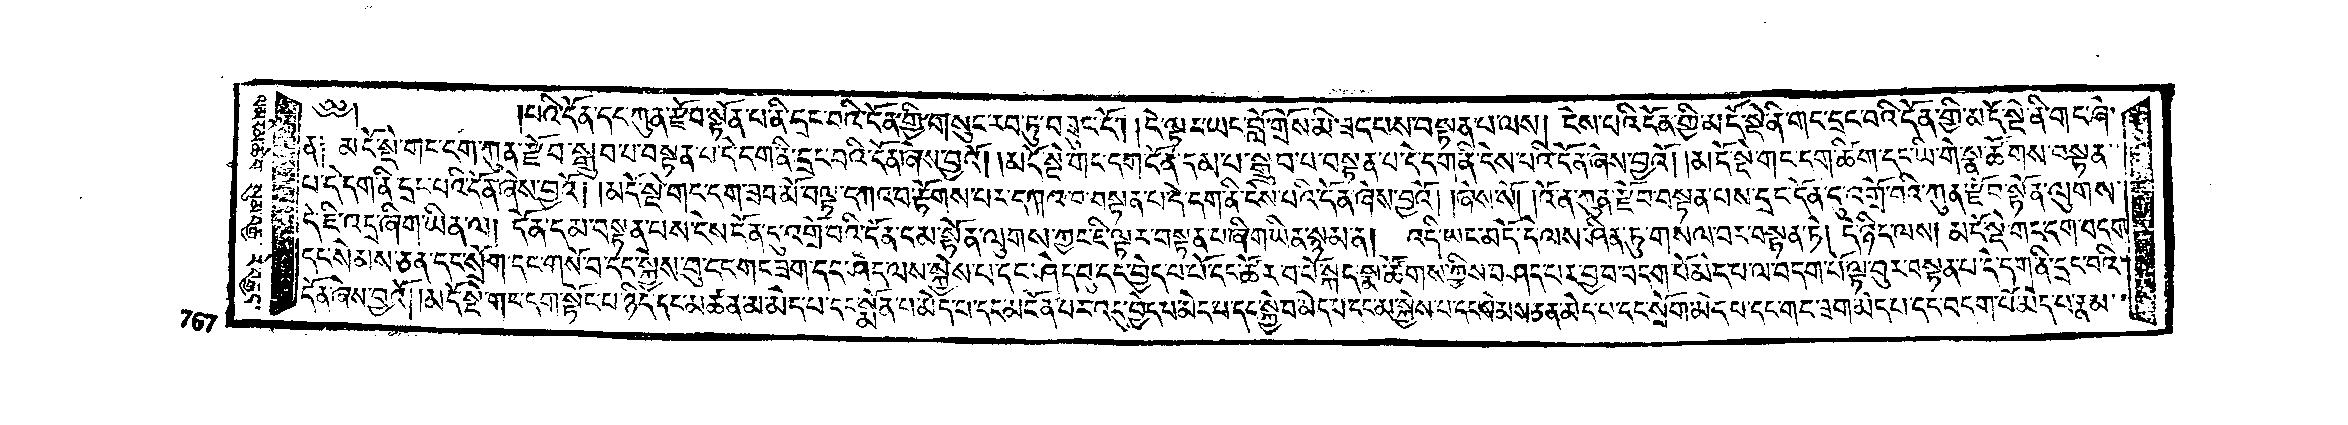༄༅། །པའི་དོན་དང་ཀུན་རྫོབ་སྟོན་པ་ནི་དྲང་བའི་དོན་གྱི་གསུང་རབ་ཏུ་བཟུང་ངོ། །དེ་ལྟར་ཡང་བློ་གྲོས་མི་ཟད་པས་བསྟན་པ་ལས། ངེས་པའི་དོན་གྱི་མདོ་སྡེ་ནི་གང་དྲང་བའི་དོན་གྱི་མདོ་སྡེ་ནི་གང་ཞེ་
ན༑ མདོ་སྡེ་གང་དག་ཀུན་རྫོབ་སྒྲུབ་པ་བསྟན་པ་དེ་དག་ནི་དྲང་བའི་དོན་ཞེས་བྱའོ། །མདོ་སྡེ་གང་དག་དོན་དམ་པ་སྒྲུབ་པ་བསྟན་པ་དེ་དག་ནི་ངེས་པའི་དོན་ཞེས་བྱའོ། །མདོ་སྡེ་གང་དག་ཚིག་དང་ཡི་གེ་སྣ་ཚོགས་བསྟན་
པ་དེ་དག་ནི་དྲང་བའི་དོན་ཞེས་བྱའོ། །མདོ་སྡེ་གང་དག་ཟབ་མོ་བལྟ་དཀའ་བ་རྟོགས་པར་དཀའ་བ་བསྟན་པ་དེ་དག་ནི་ངེས་པའི་དོན་ཞེས་བྱའོ། །ཞེས་སོ། །འོ་ན་ཀུན་རྫོབ་བསྟན་པས་དྲང་དོན་དུ་འགྲོ་བའི་ཀུན་རྫོབ་སྟོན་ལུགས་
དེ་ཇི་འདྲ་ཞིག་ཡིན་ལ། དོན་དམ་བསྟན་པས་ངེས་དོན་དུ་འགྲོ་བའི་དོན་དམ་སྟོན་ལུགས་ཀྱང་ཇི་ལྟར་བསྟན་པ་ཞིག་ཡིན་སྙམ་ན། འདི་ཡང་མདོ་དེ་ལས་ཤིན་ཏུ་གསལ་བར་བསྟན་ཏེ། དེ་ཉིད་ལས། མདོ་སྡེ་གང་དག་བདག་
དང་སེམས་ཅན་དང་སྲོག་དང་གསོ་བ་དང་སྐྱེས་བུ་དང་གང་ཟག་དང་ཤེད་ལས་སྐྱེས་པ་དང་ཤེད་བུ་དང་བྱེད་པ་པོ་དང་ཚོར་བ་པོ་སྐད་སྣ་ཚོགས་ཀྱིས་བཤད་པར་བྱ་བ་བདག་པོ་མེད་པ་ལ་བདག་པོ་ལྟ་བུར་བསྟན་པ་དེ་དག་ནི་དྲང་བའི་
དོན་ཞེས་བྱའོ། །མདོ་སྡེ་གང་དག་སྟོང་པ་ཉིད་དང་མཚན་མ་མེད་པ་དང་སྨོན་པ་མེད་པ་དང་མངོན་པར་འདུ་བྱེད་པ་མེད་པ་དང་སྐྱེ་བ་མེད་པ་དང་མ་སྐྱེས་པ་དང་སེམས་ཅན་མེད་པ་དང་སྲོག་མེད་པ་དང་གང་ཟག་མེད་པ་དང་བདག་པོ་མེད་པ་རྣམ་